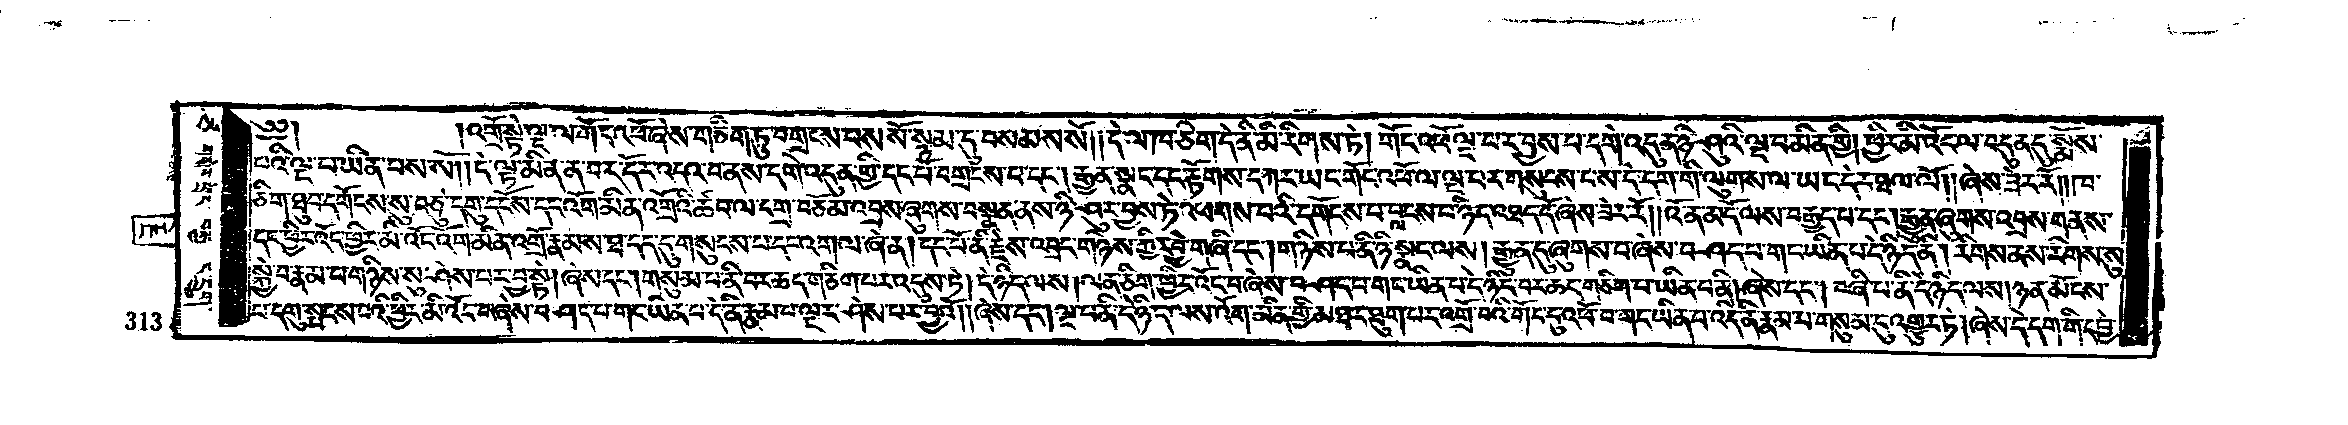༄༅། །འགྲོ་སྟེ་ལྔ་ལ་གོང་འཕོ་ཞེས་གཅིག་ཏུ་བགྲངས་བས་སོ་སྙམ་དུ་བསམས་སོ། །དེ་ལ་ཁ་ཅིག་དེ་ནི་མི་རིགས་ཏེ། གོང་འཕོ་ལྔ་པར་བྱས་པ་དགེ་འདུན་ཉི་ཤུའི་ལྔ་པ་མིན་གྱི། ཕྱིར་མི་འོང་ལ་བདུན་དུ་སྨོས་
པའི་ལྔ་པ་ཡིན་པས་སོ། །དེ་ལྟ་མིན་ན་བར་དོར་འདའ་བ་ནས་དགེ་འདུན་གྱི་དང་པོ་བགྲངས་པ་དང་། རྒྱན་སྣང་དང་རྟོགས་དཀར་ཡང་གོང་འཕོ་ལ་ལྔ་པར་གསུངས་པས་དེ་དག་གི་ལུགས་ལ་ཡང་དེར་ཐལ་ལོ། །ཞེས་ཟེར་རོ། །ཁ་
ཅིག་ཐུབ་དགོངས་སུ་བཅུ་དགུ་དངོས་དང་འོག་མིན་འགྲོའི་ཚབ་ལ་དགྲ་བཅོམ་འབྲས་ཞུགས་བསྣན་ནས་ཉི་ཤུར་བྱས་ཏེ་འཕགས་པའི་དགོངས་པ་བླངས་པ་ཉིད་འཐད་དོ་ཞེས་ཟེར་རོ། །འོ་ན་མདོ་ལས་བརྒྱད་པ་དང་། རྒྱུན་ཞུགས་འབྲས་གནས་
དང་ཕྱིར་འོང་ཕྱིར་མི་འོང་འོག་མིན་འགྲོ་རྣམས་ཐ་དད་དུ་གསུངས་པ་དང་འགལ་ཞེ་ན། དང་པོ་ནི་རྗེས་འབྲང་གཉིས་ཀྱི་དབྱེ་གཞི་དང་། གཉིས་པ་ནི་ཉི་སྣང་ལས། རྒྱུན་དུ་ཞུགས་པ་ཞེས་བཤད་པ་གང་ཡིན་པ་དེ་ཉིད་ནི། རིགས་ནས་རིགས་སུ་
སྐྱེ་བ་རྣམ་པ་གཉིས་སུ་ཤེས་པར་བྱ་སྟེ། ཞེས་དང་། གསུམ་པ་ནི་བར་ཆད་གཅིག་པར་འདུས་ཏེ། དེ་ཉིད་ལས། ལན་ཅིག་ཕྱིར་འོང་བ་ཞེས་བཤད་པ་གང་ཡིན་པ་དེ་ཉིད་བར་ཆད་གཅིག་པ་ཡིན་པ་ནི། ཞེས་དང་། བཞི་པ་ནི་དེ་ཉིད་ལས། ཉན་མོངས་
པ་དགུ་སྤངས་པའི་ཕྱིར་མི་འོང་བ་ཞེས་བཤད་པ་གང་ཡིན་པ་དེ་ནི་རྣམ་པ་ལྔར་ཤེས་པར་བྱའོ། །ཞེས་དང་། ལྔ་པ་ནི་དེ་ཉིད་ལས་འོག་མིན་གྱི་མཐར་ཐུག་པར་འགྲོ་བའི་གོང་དུ་འཕོ་བ་གང་ཡིན་པ་འདི་ནི་རྣམ་པ་གསུམ་དུ་འགྱུར་ཏེ། ཞེས་དེ་དག་གི་དབྱེ་